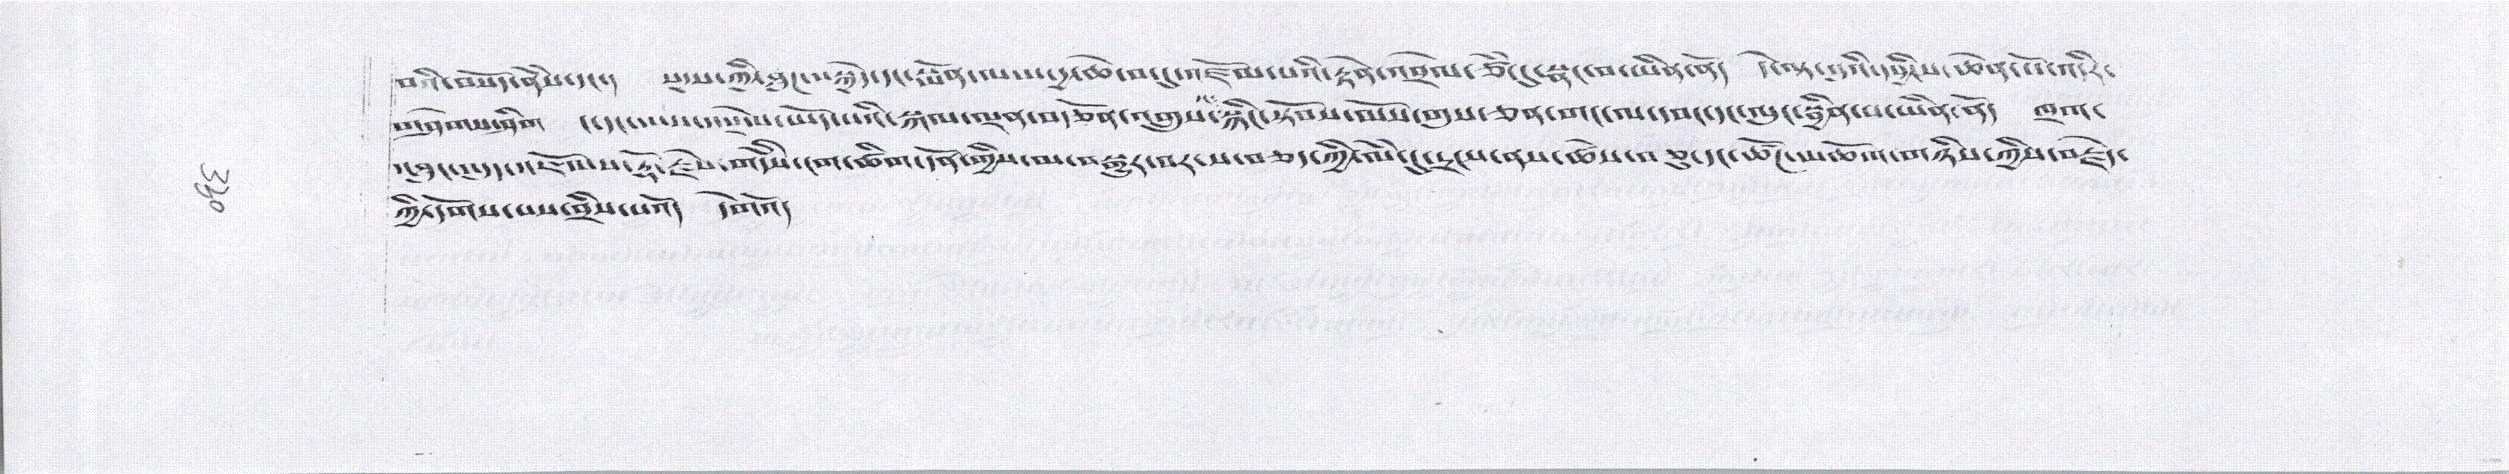བའི་བསོད་ནམས་དང། སངས་རྒྱས་ཀྱི་ཐུགས་བསྐྱེད་དང་སྨོན་ལམ་རྒྱ་ཆེ་བ་དུ་འཛོམ་པའི་རྟེན་འབྲེལ་ཙམ་དུ་སྣང་བ་ཡིན་ནོ། དེ་ལྟ་བུའི་དབྱིངས་ཆེན་པོ་འདིར་
གཤེགས་ཤིག ང་དང་ལས་འབྲེལ་ཡོད་པའི་སྐལ་ལྡན་བརྩོན་འགྲུས་དང་སྙིང་སྟོབས་མོས་གུས་ཅན་གང་ལ་དབང་དང་ལུང་སྦྱིན་པ་ཡིན་ནོ། ཁྲག་
འཐུང་བདུད་འཇོམས་རྡོ་རྗེས་གདམས་ངག་ཚིག་དོན་གྱིས་མ་བསྒྱུར་བར་ས་བཅད་ཀྱི་ལམ་དུ་དྲངས་ནས་ཚེས་བཅུ་དང་ཚོགས་མཆོག་གཉིས་ཀྱིས་བརྗེད་
ཀྱི་དགོས་པས་བྲིས་པའོ། དགེའོ།